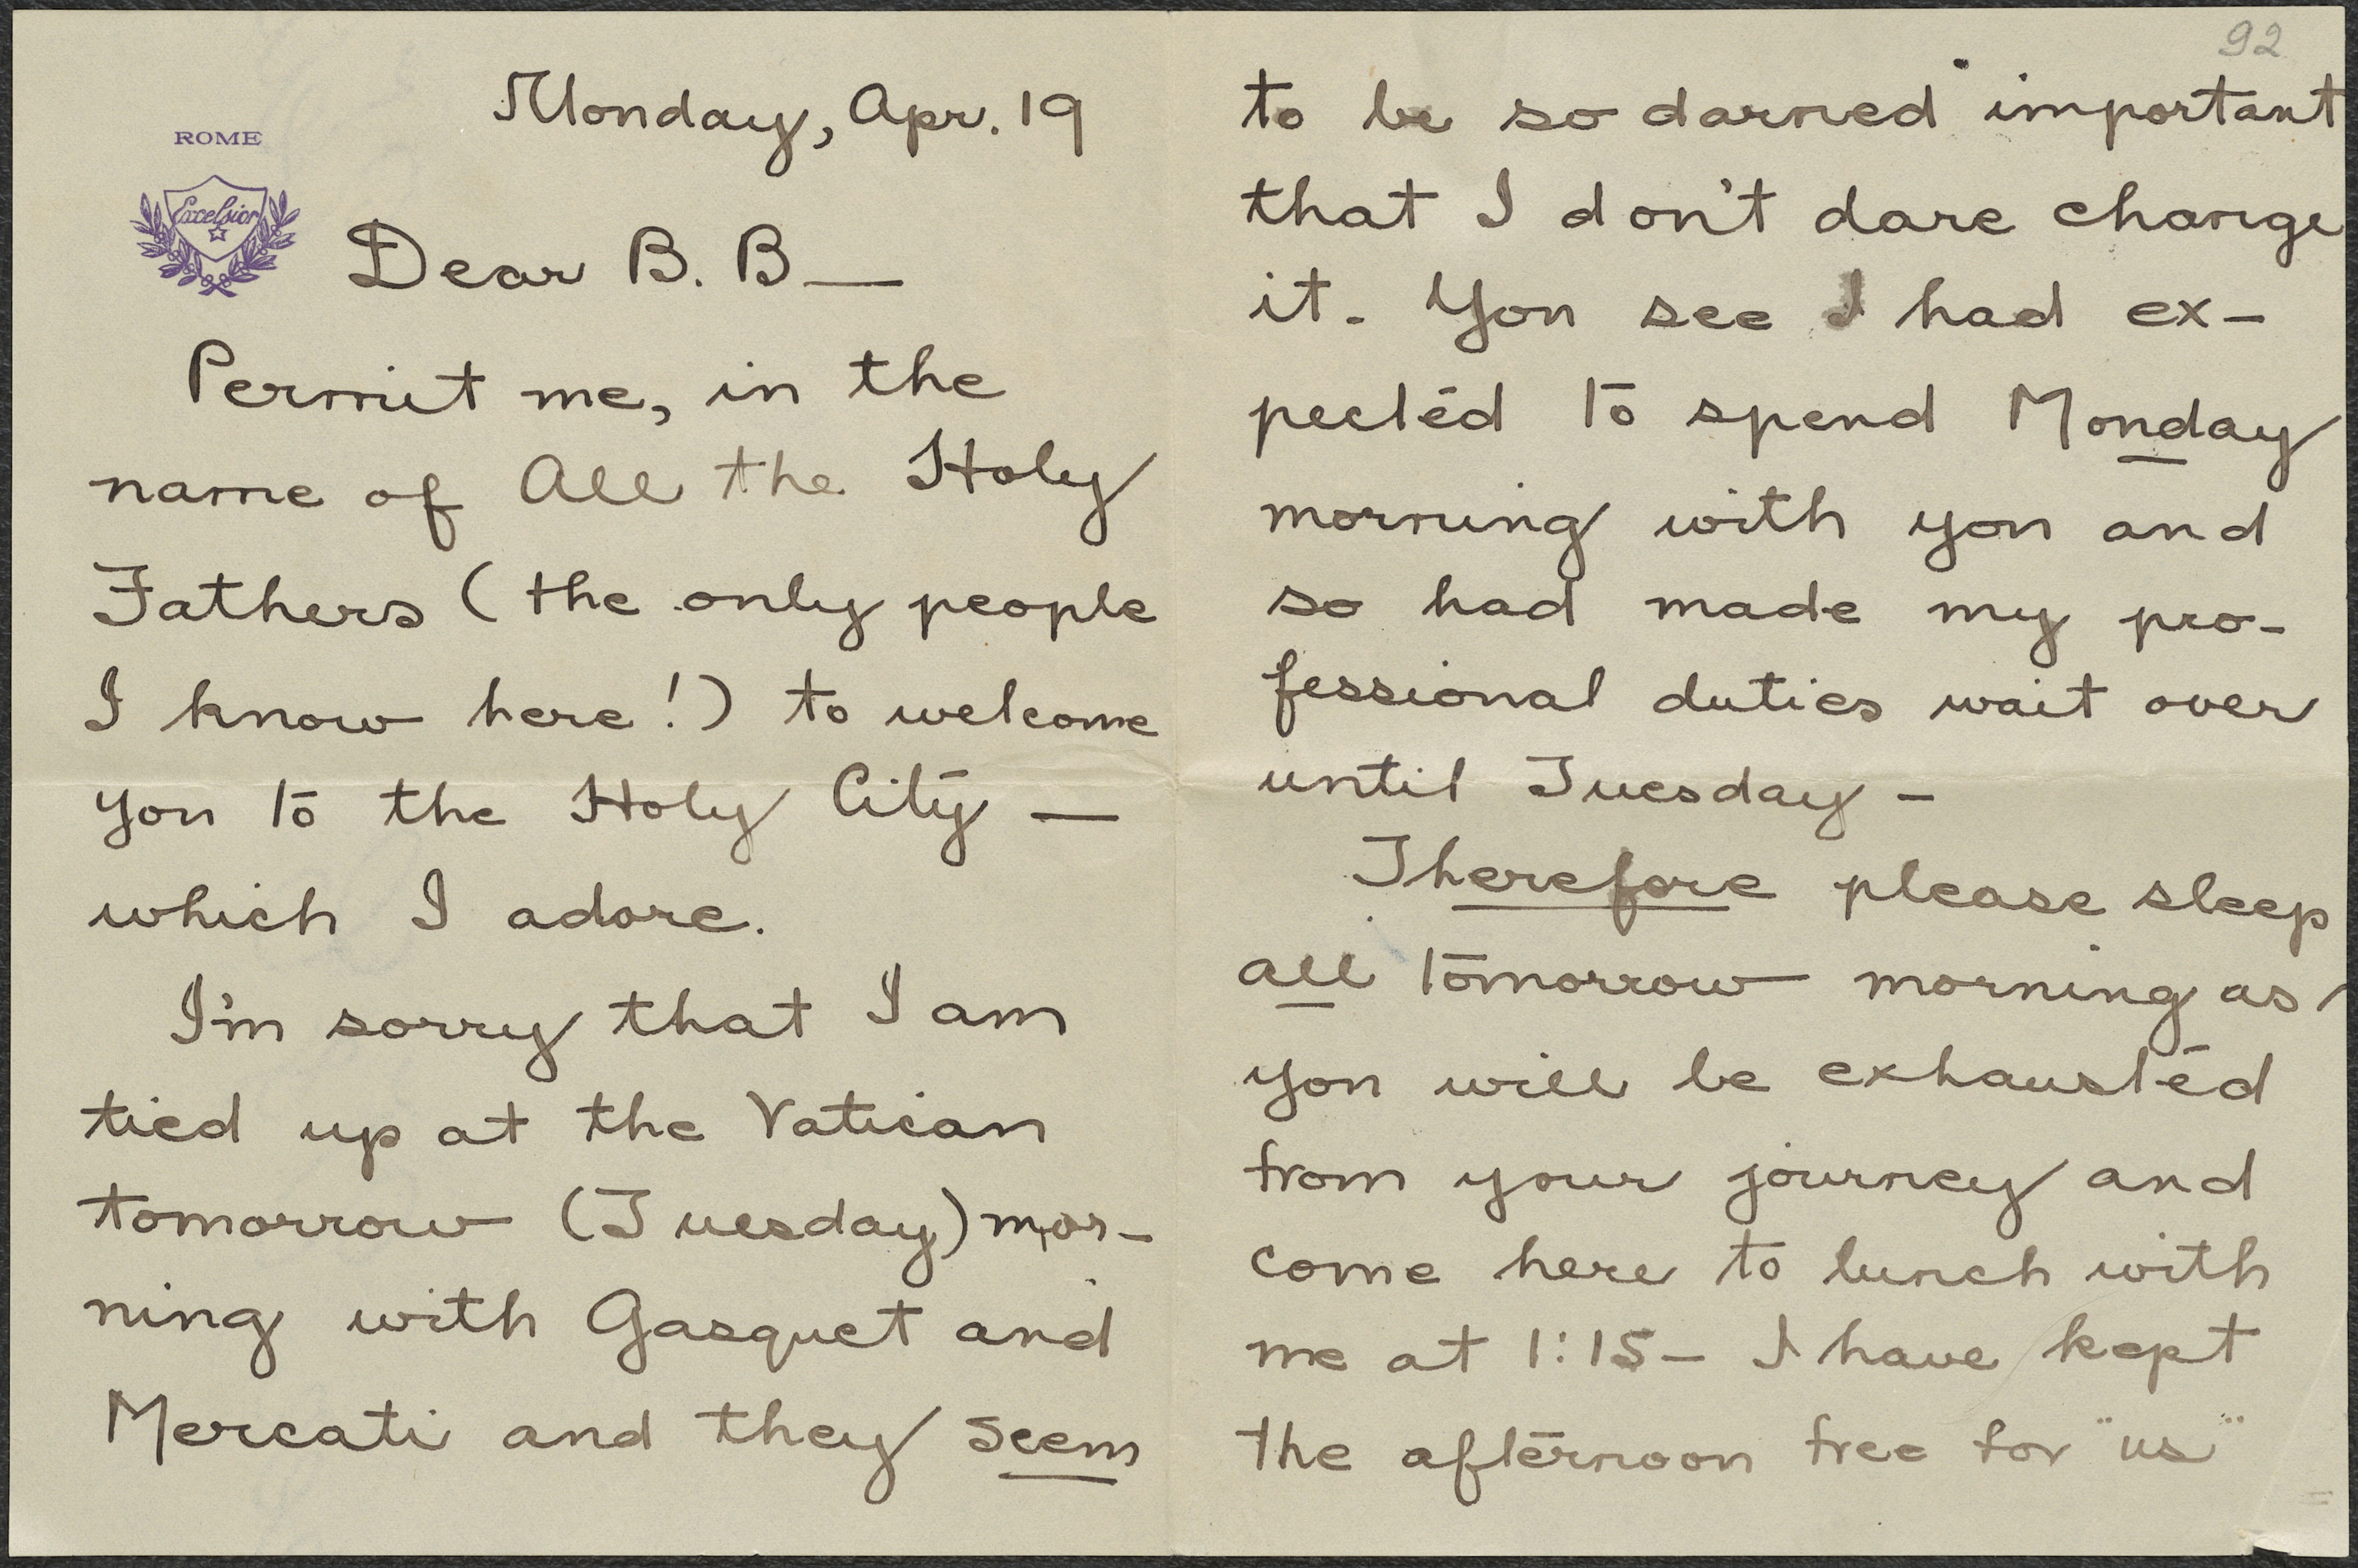Monday, Apr. 19
Dear B.B –
Permit me, in the name of All the Holy Fathers (the only people I know here!) to welcome you to the Holy City – which I adore.
I'm sorry that I am tied up at the Vatican tomorrow (Tuesday) morning with Gasquet and Mercati and they seem
to be so darned important that I don't dare change it. You see I had expected to spend Monday morning with you and so had made my professional duties wait over until Tuesday –
Therefore please sleep all tomorrow morning as you will be exhausted from your journey and come here to lunch with me at 1:15 – I have kept the afternoon free for "us"